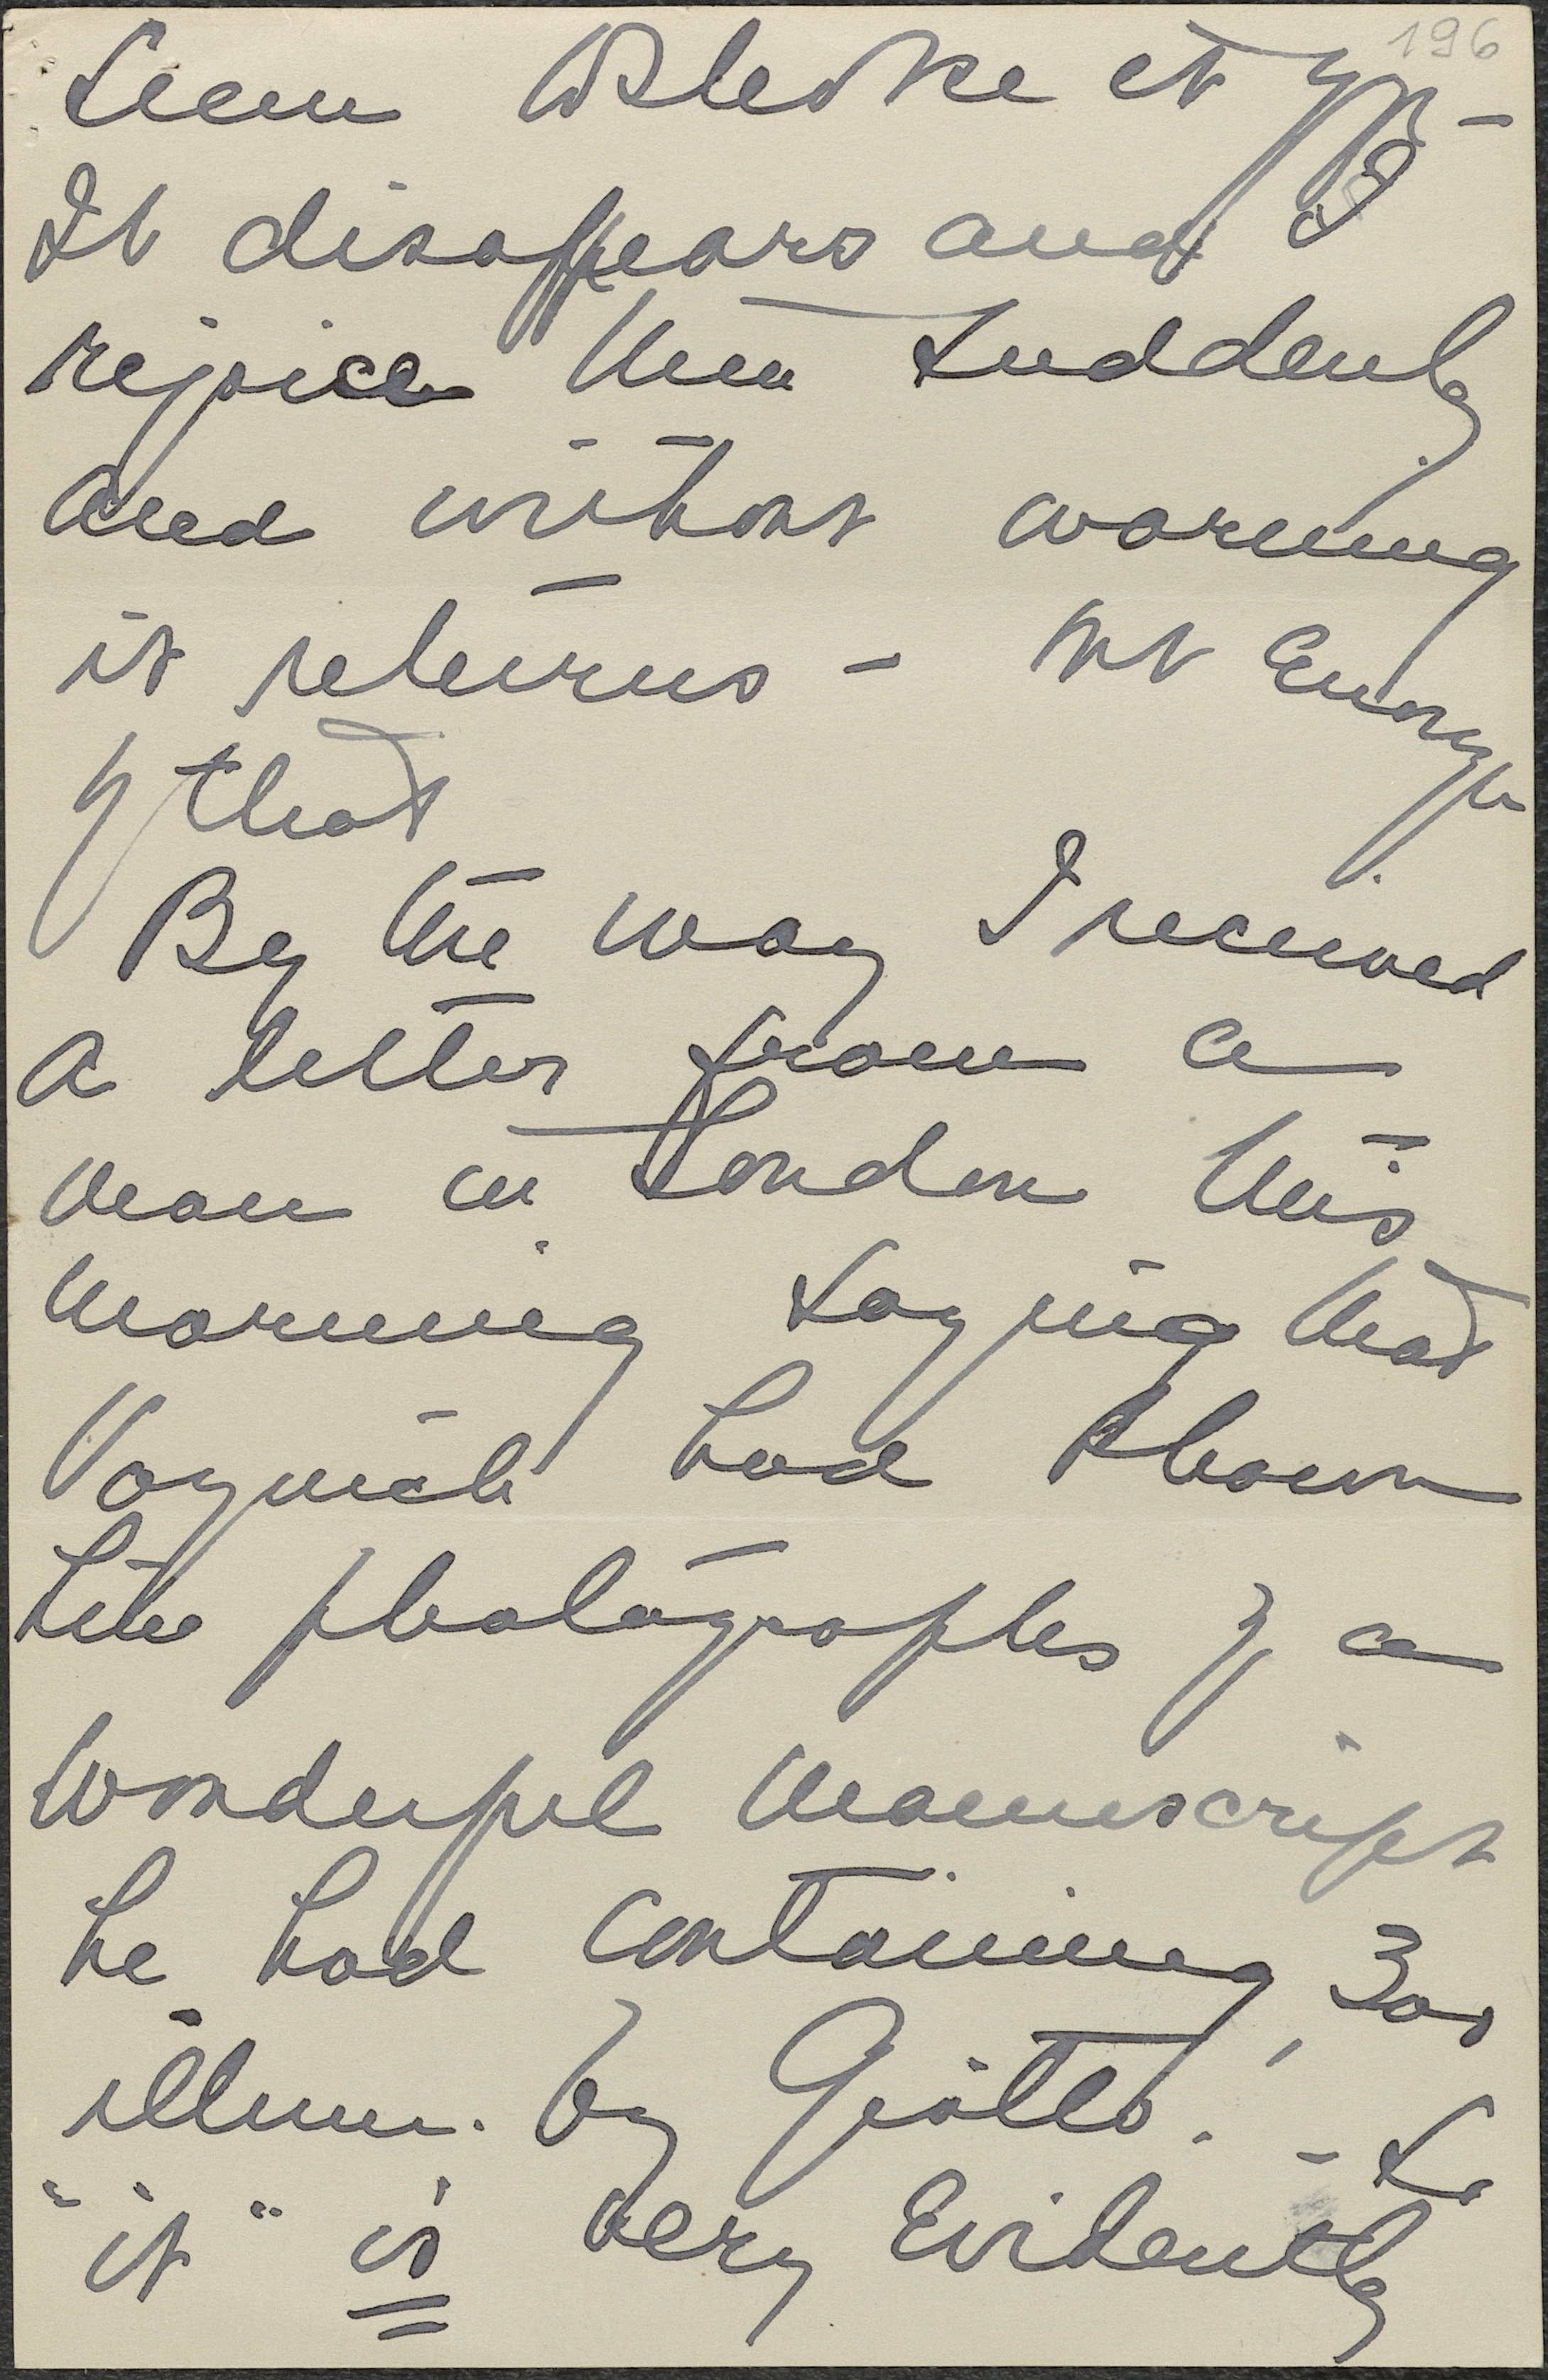seem to shake it yet – It disappears and I rejoice then suddenly and without warning it returns – but enough of that
By the way I received a letter from a man in London this morning saying that Voynich had shown him photographs of a wonderful manuscript he had containing 300 illum. by Giotto! – So “it” [double underlined: is] very evidently